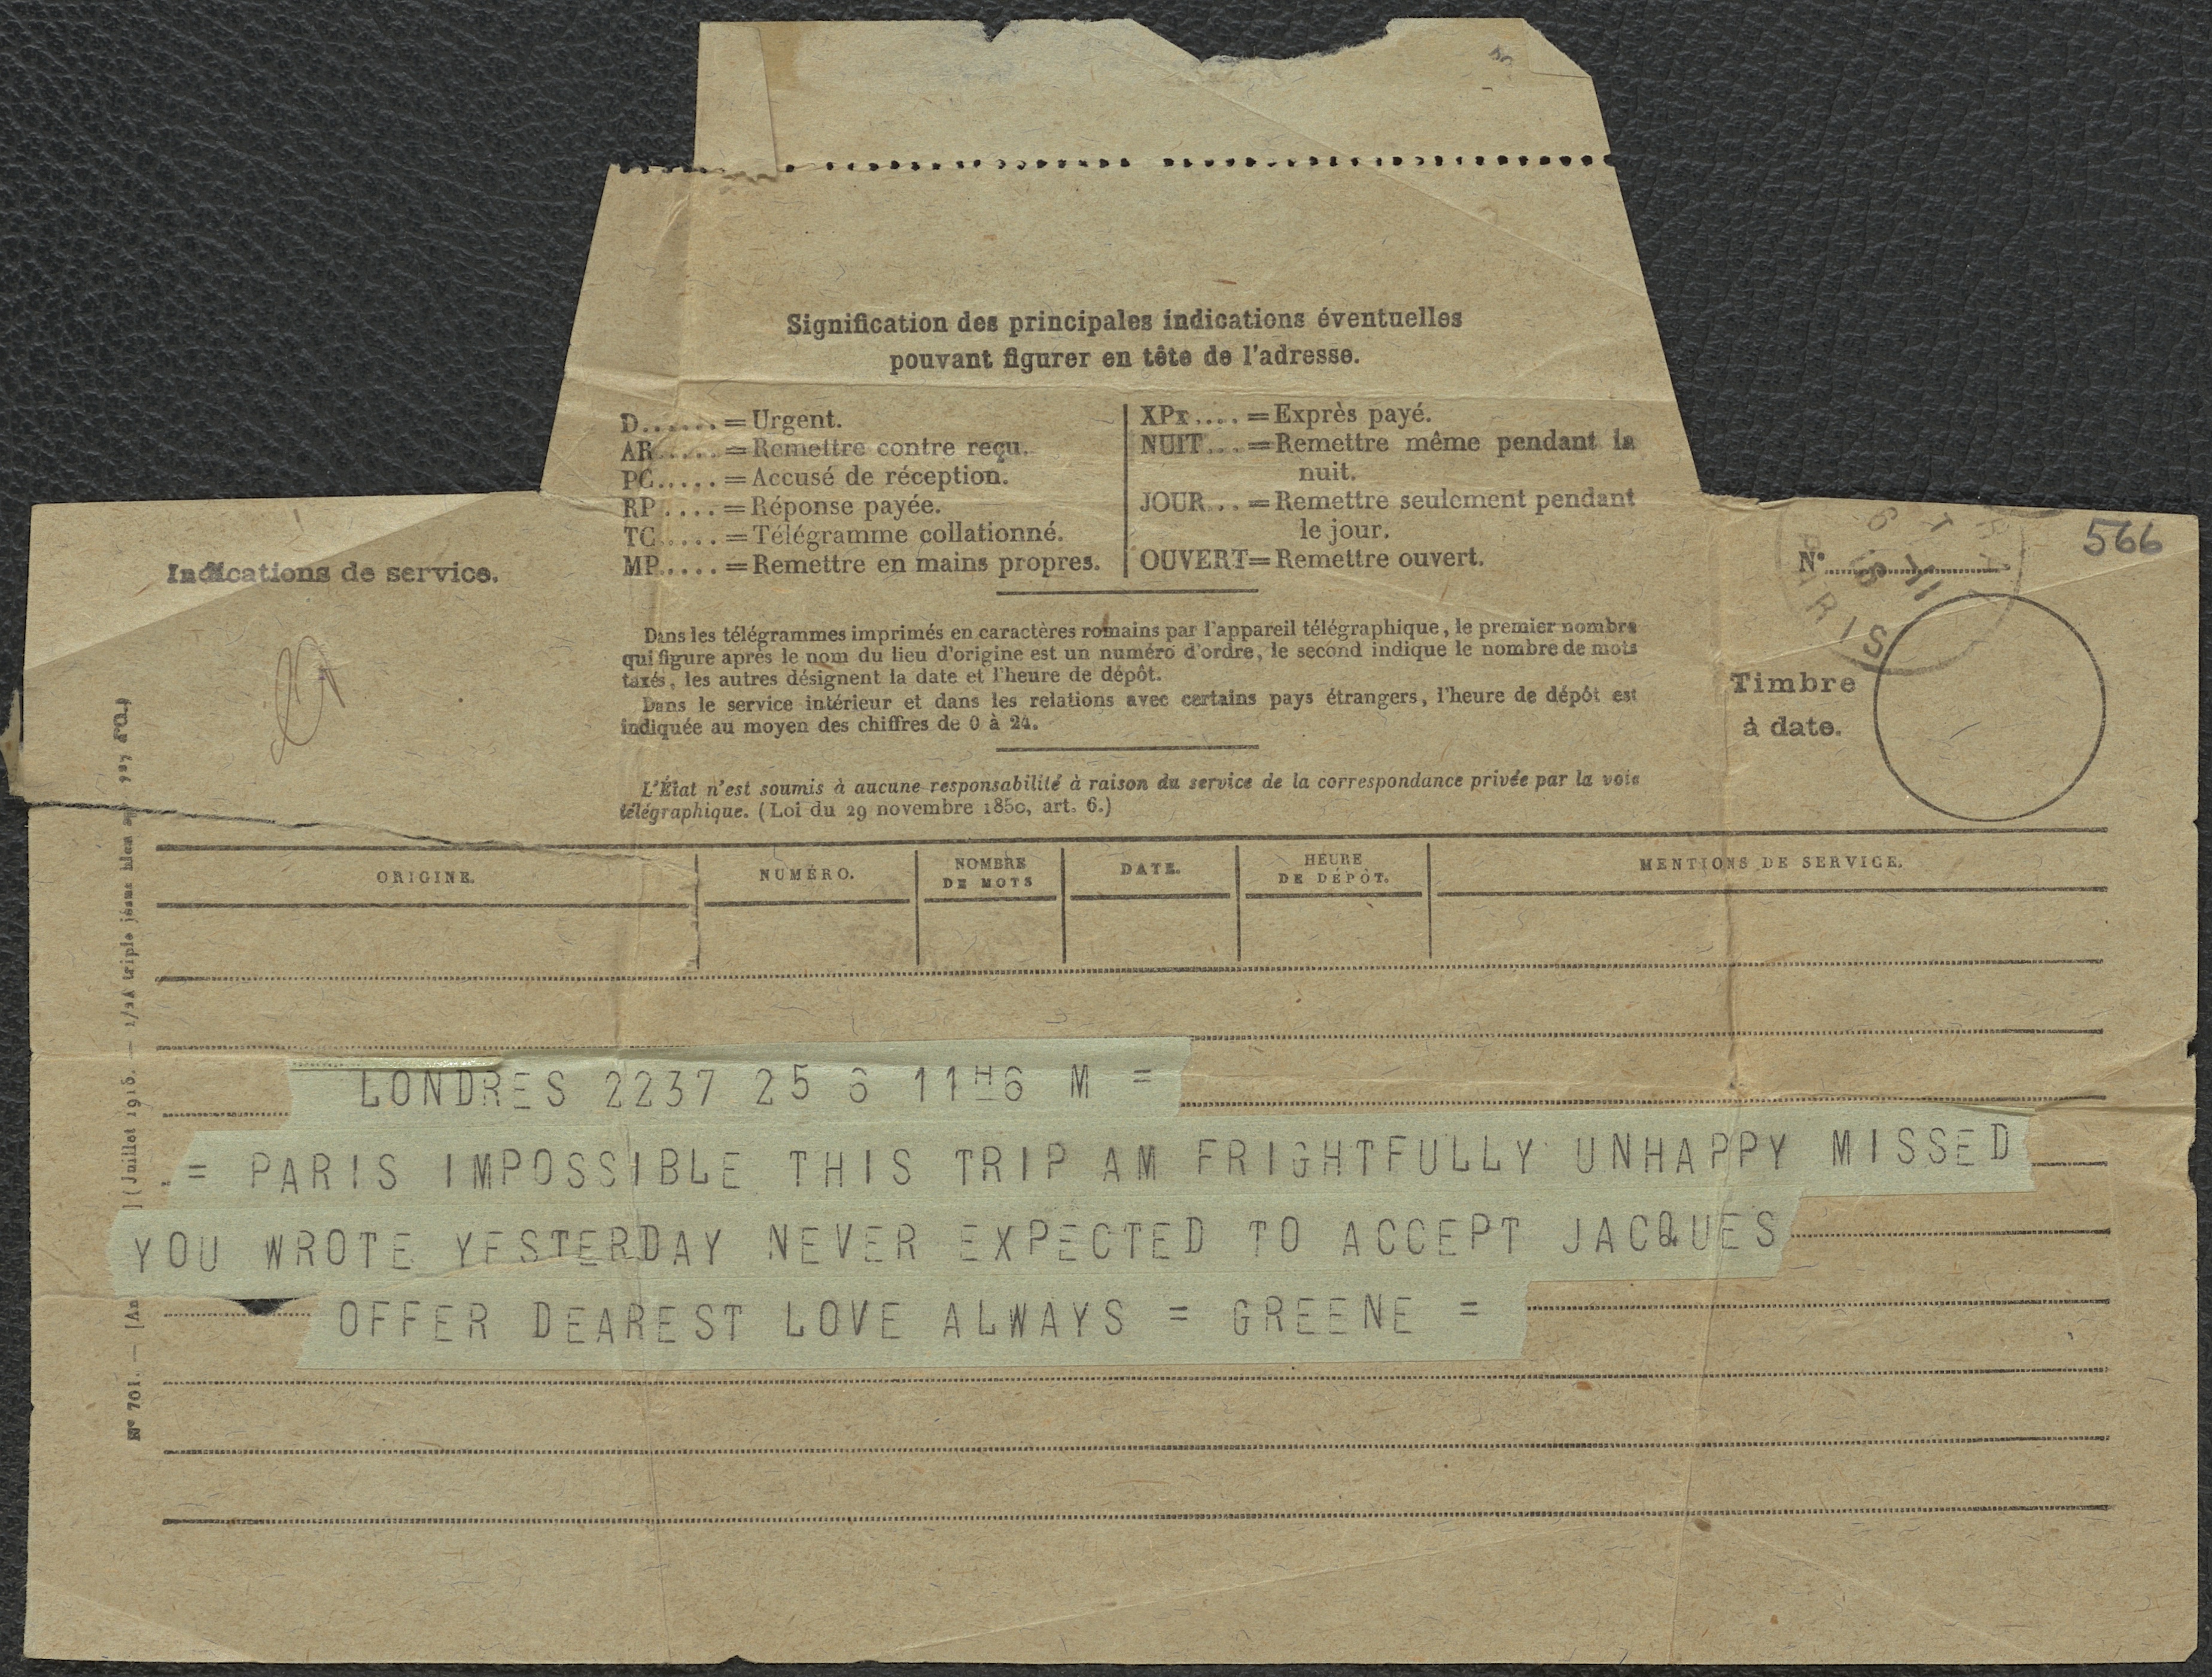PARIS IMPOSSIBLE THIS TRIP AM FRIGHTFULLY UNHAPPY MISSED YOU WROTE YESTERDAY NEVER EXPECTED TO ACCEPT JACQUES OFFER DEAREST LOVE ALWAYS GREENE